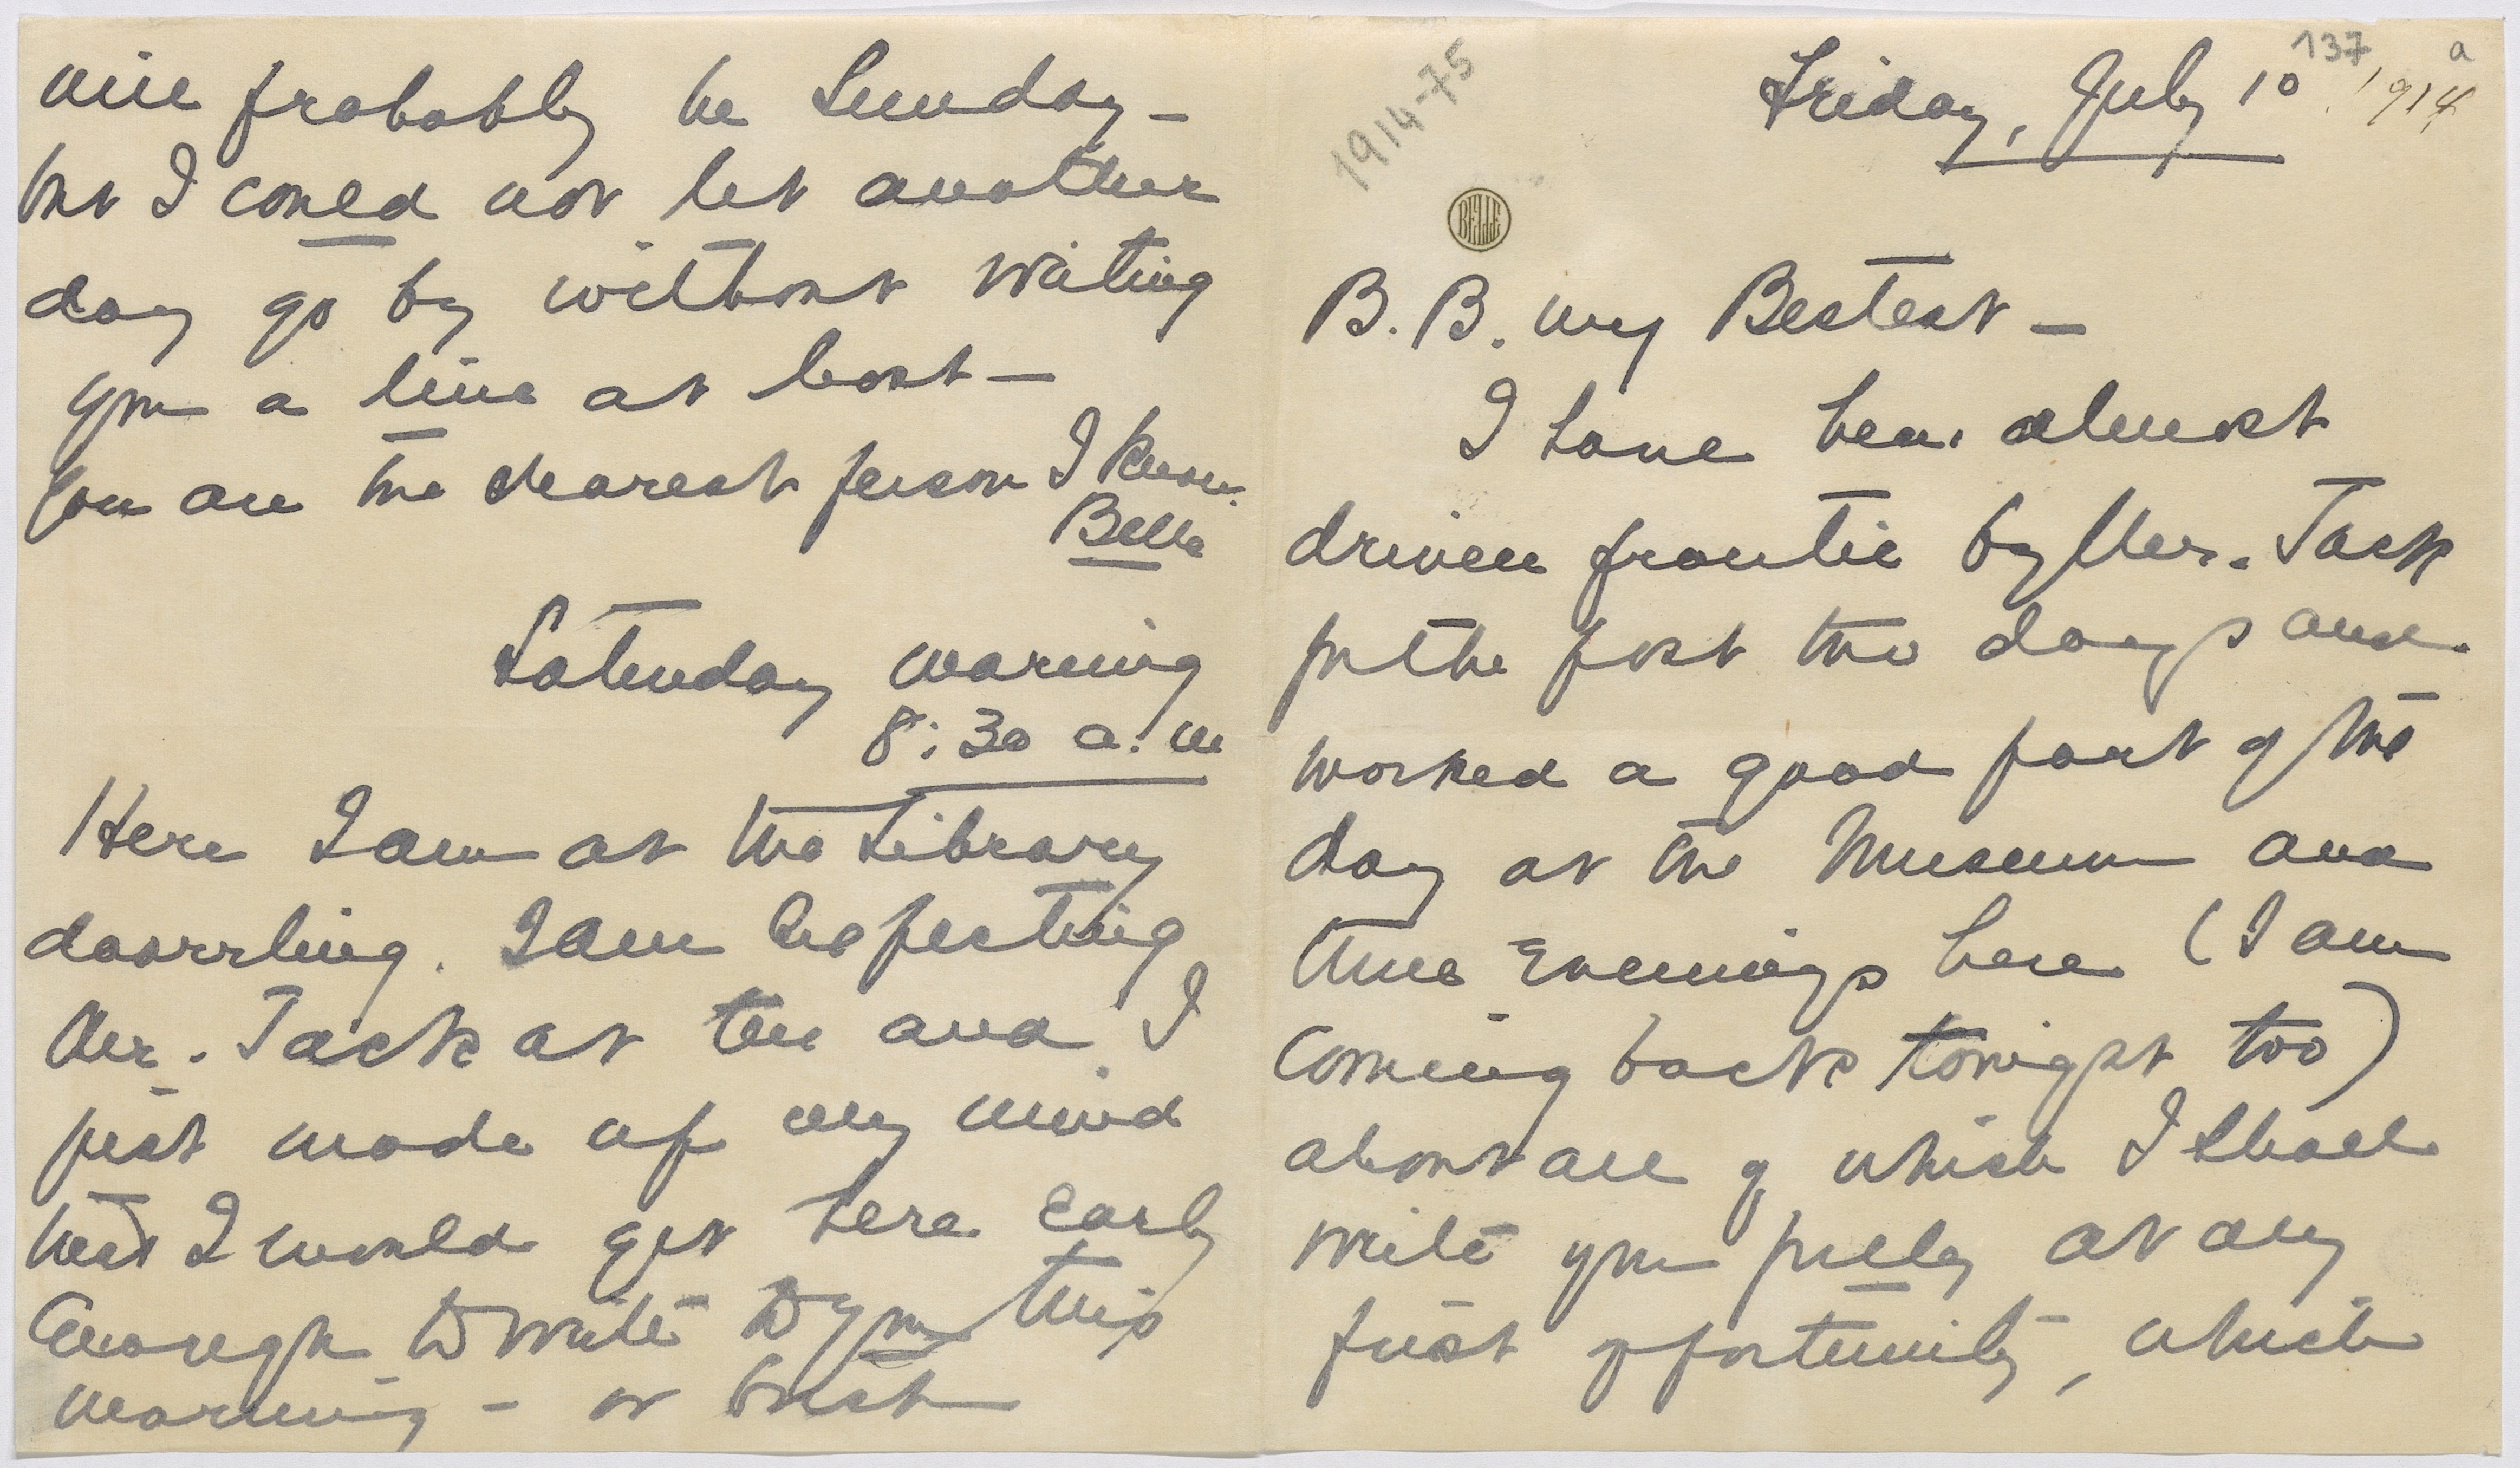Friday, July 10
B.B. my Bestest –
I have been almost driven frantic by Mr. Jack for the past two days and worked a good part of the day at the Museum and three evenings here (I am coming back tonight too) about all of which I shall write you fully at my first opportunity, which
will probably be Sunday – but I could not let another day go by without writing you a line at last – you are the dearest person I know.
Belle
Saturday morning
8:30 a.m
Here I am at the Library daarrling. I am expecting Mr. Jack at ten and I just made up my mind that I would get here early enough to write to you this morning – or bust